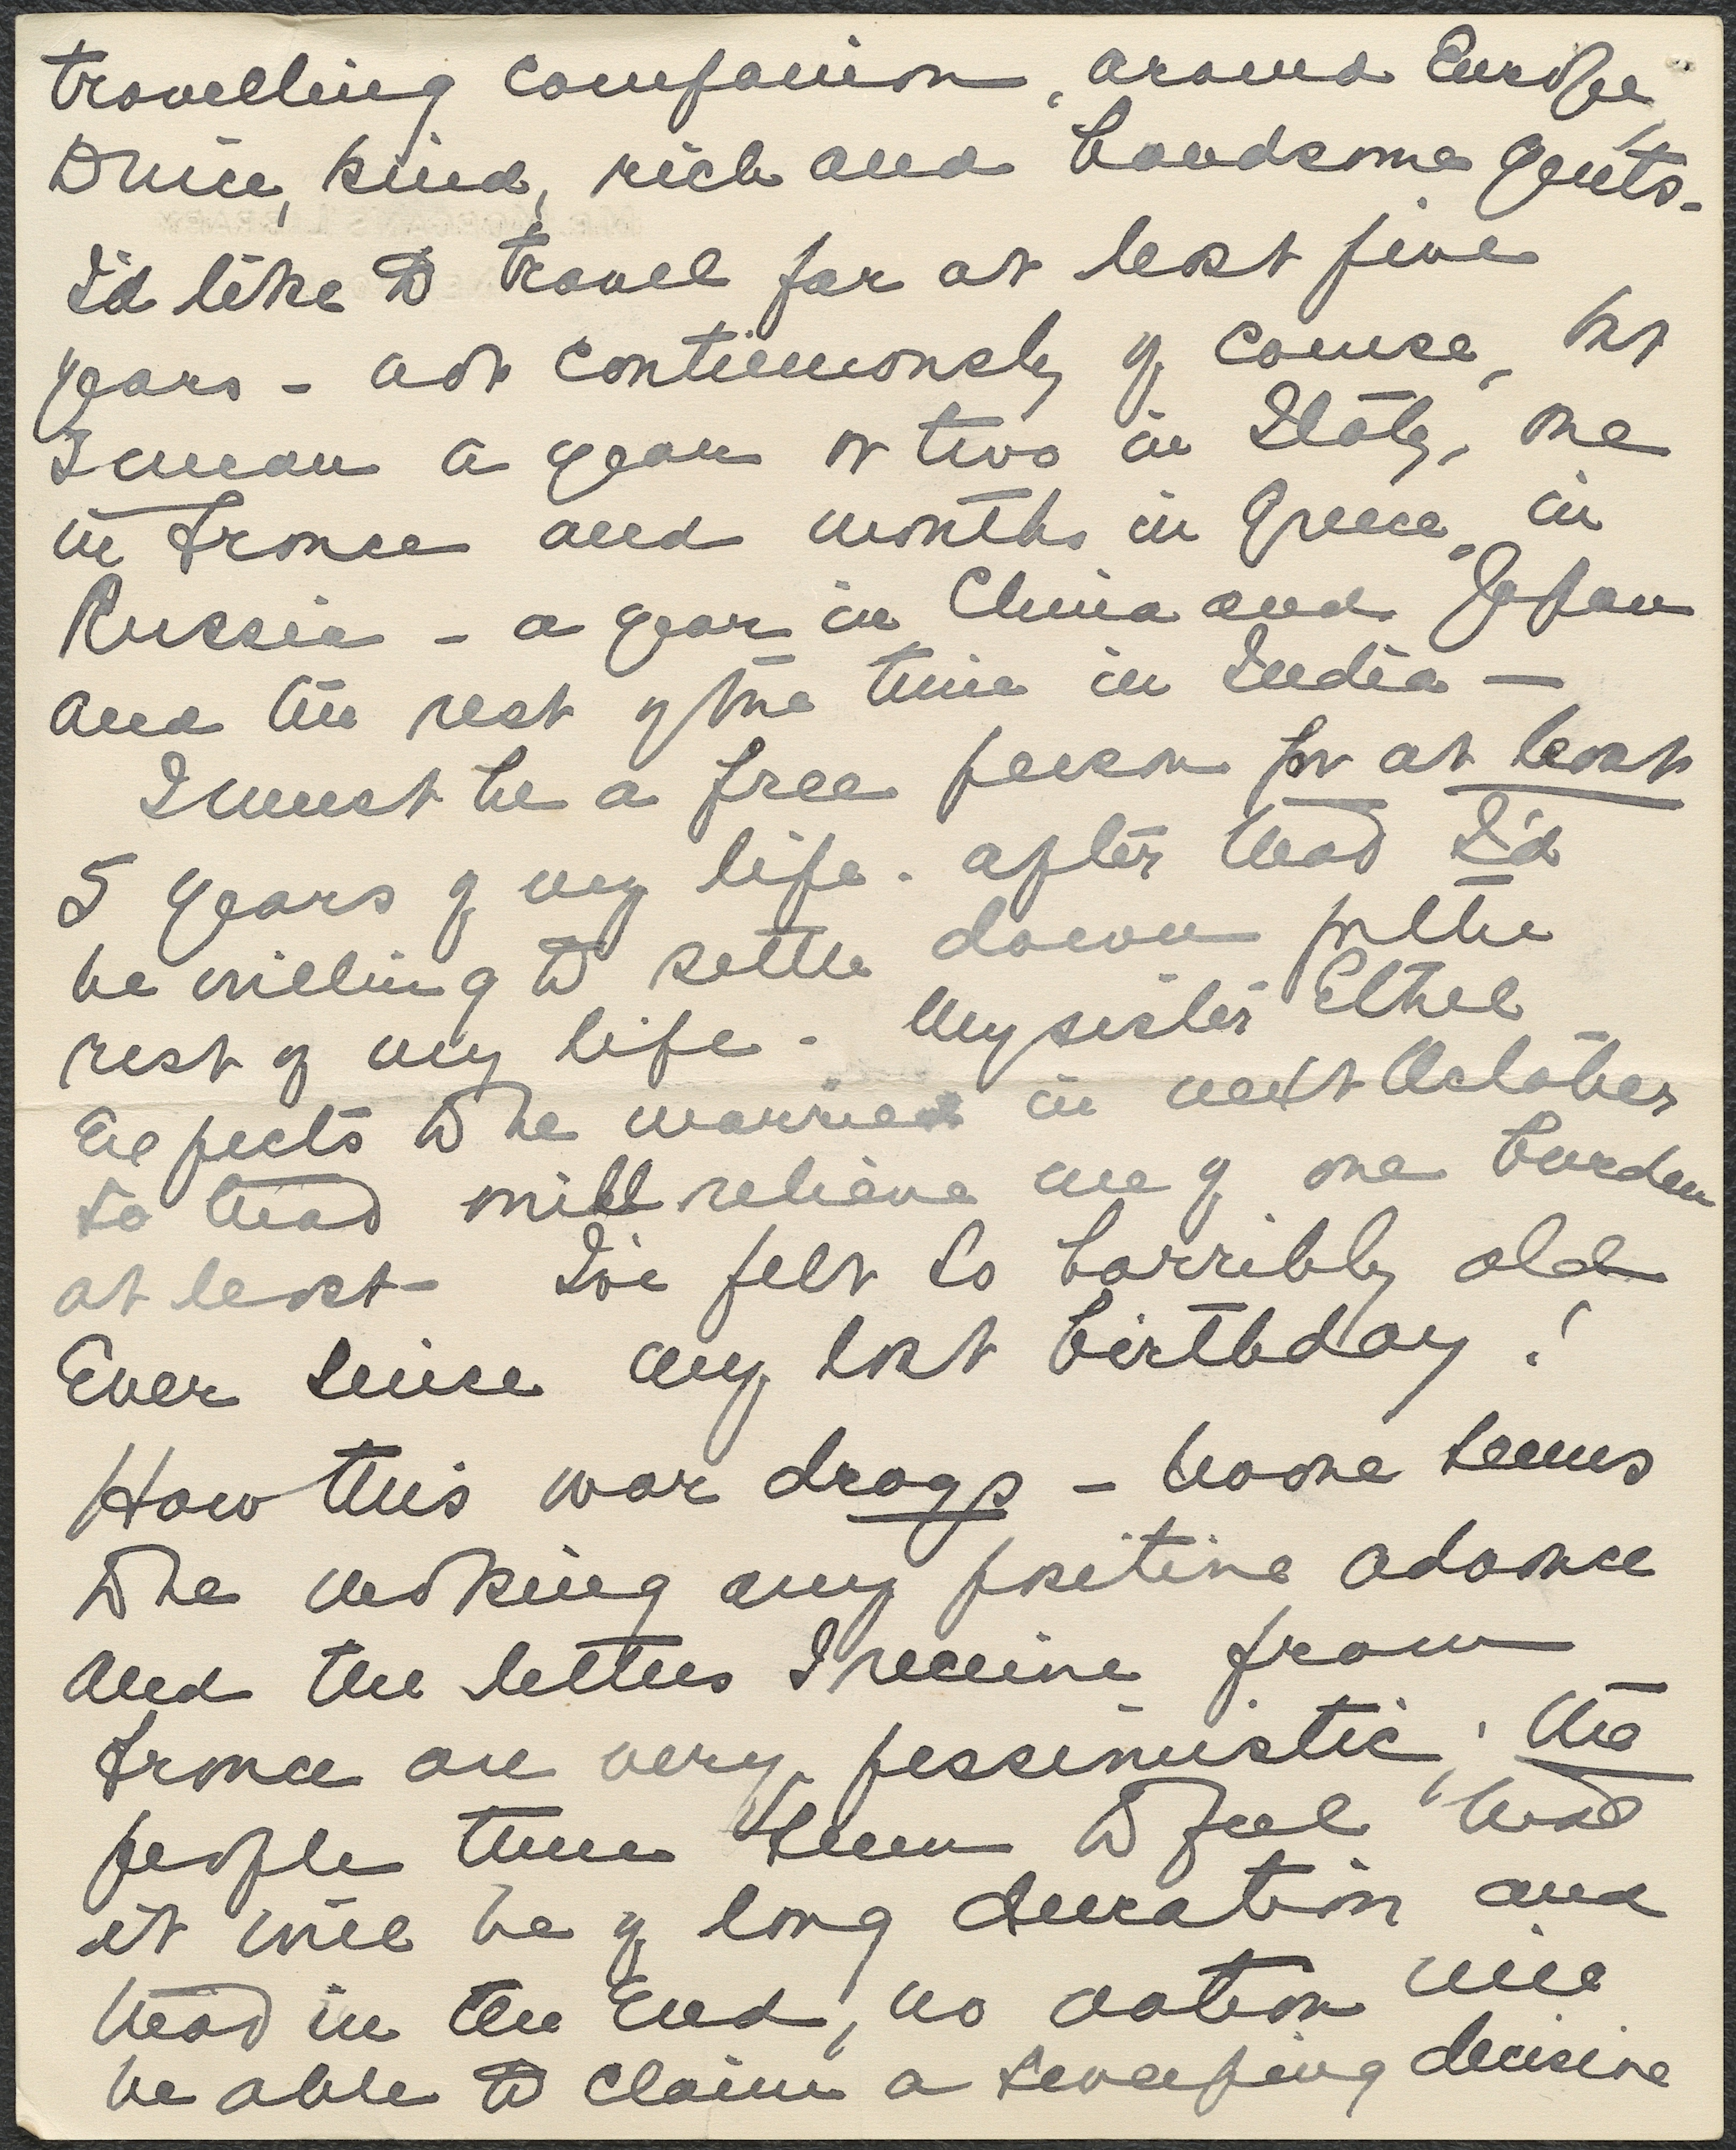traveling companion, around Europe to nice, kind, rich and handsome gents – I’d like to travel for at least five years – not continuously of course, but I mean a year or two in Italy, one in France and months in Greece, in Russia – a year in China and Japan and the rest of the time in India –
I must be a free person for at least 5 years of my life. after that I’d be willing to settle down for the rest of my life – My sister Ethel expects to be married in next October so that will relieve me of one burden at least – I’ve felt so horribly old ever since my last birthday!
How this war drags – Noone [sic] seems to be making any advance and the letters I receive from France are very pessimistic; the people there seem to feel that it will be of long duration and that in the end, no nation will be able to claim a sweeping decision